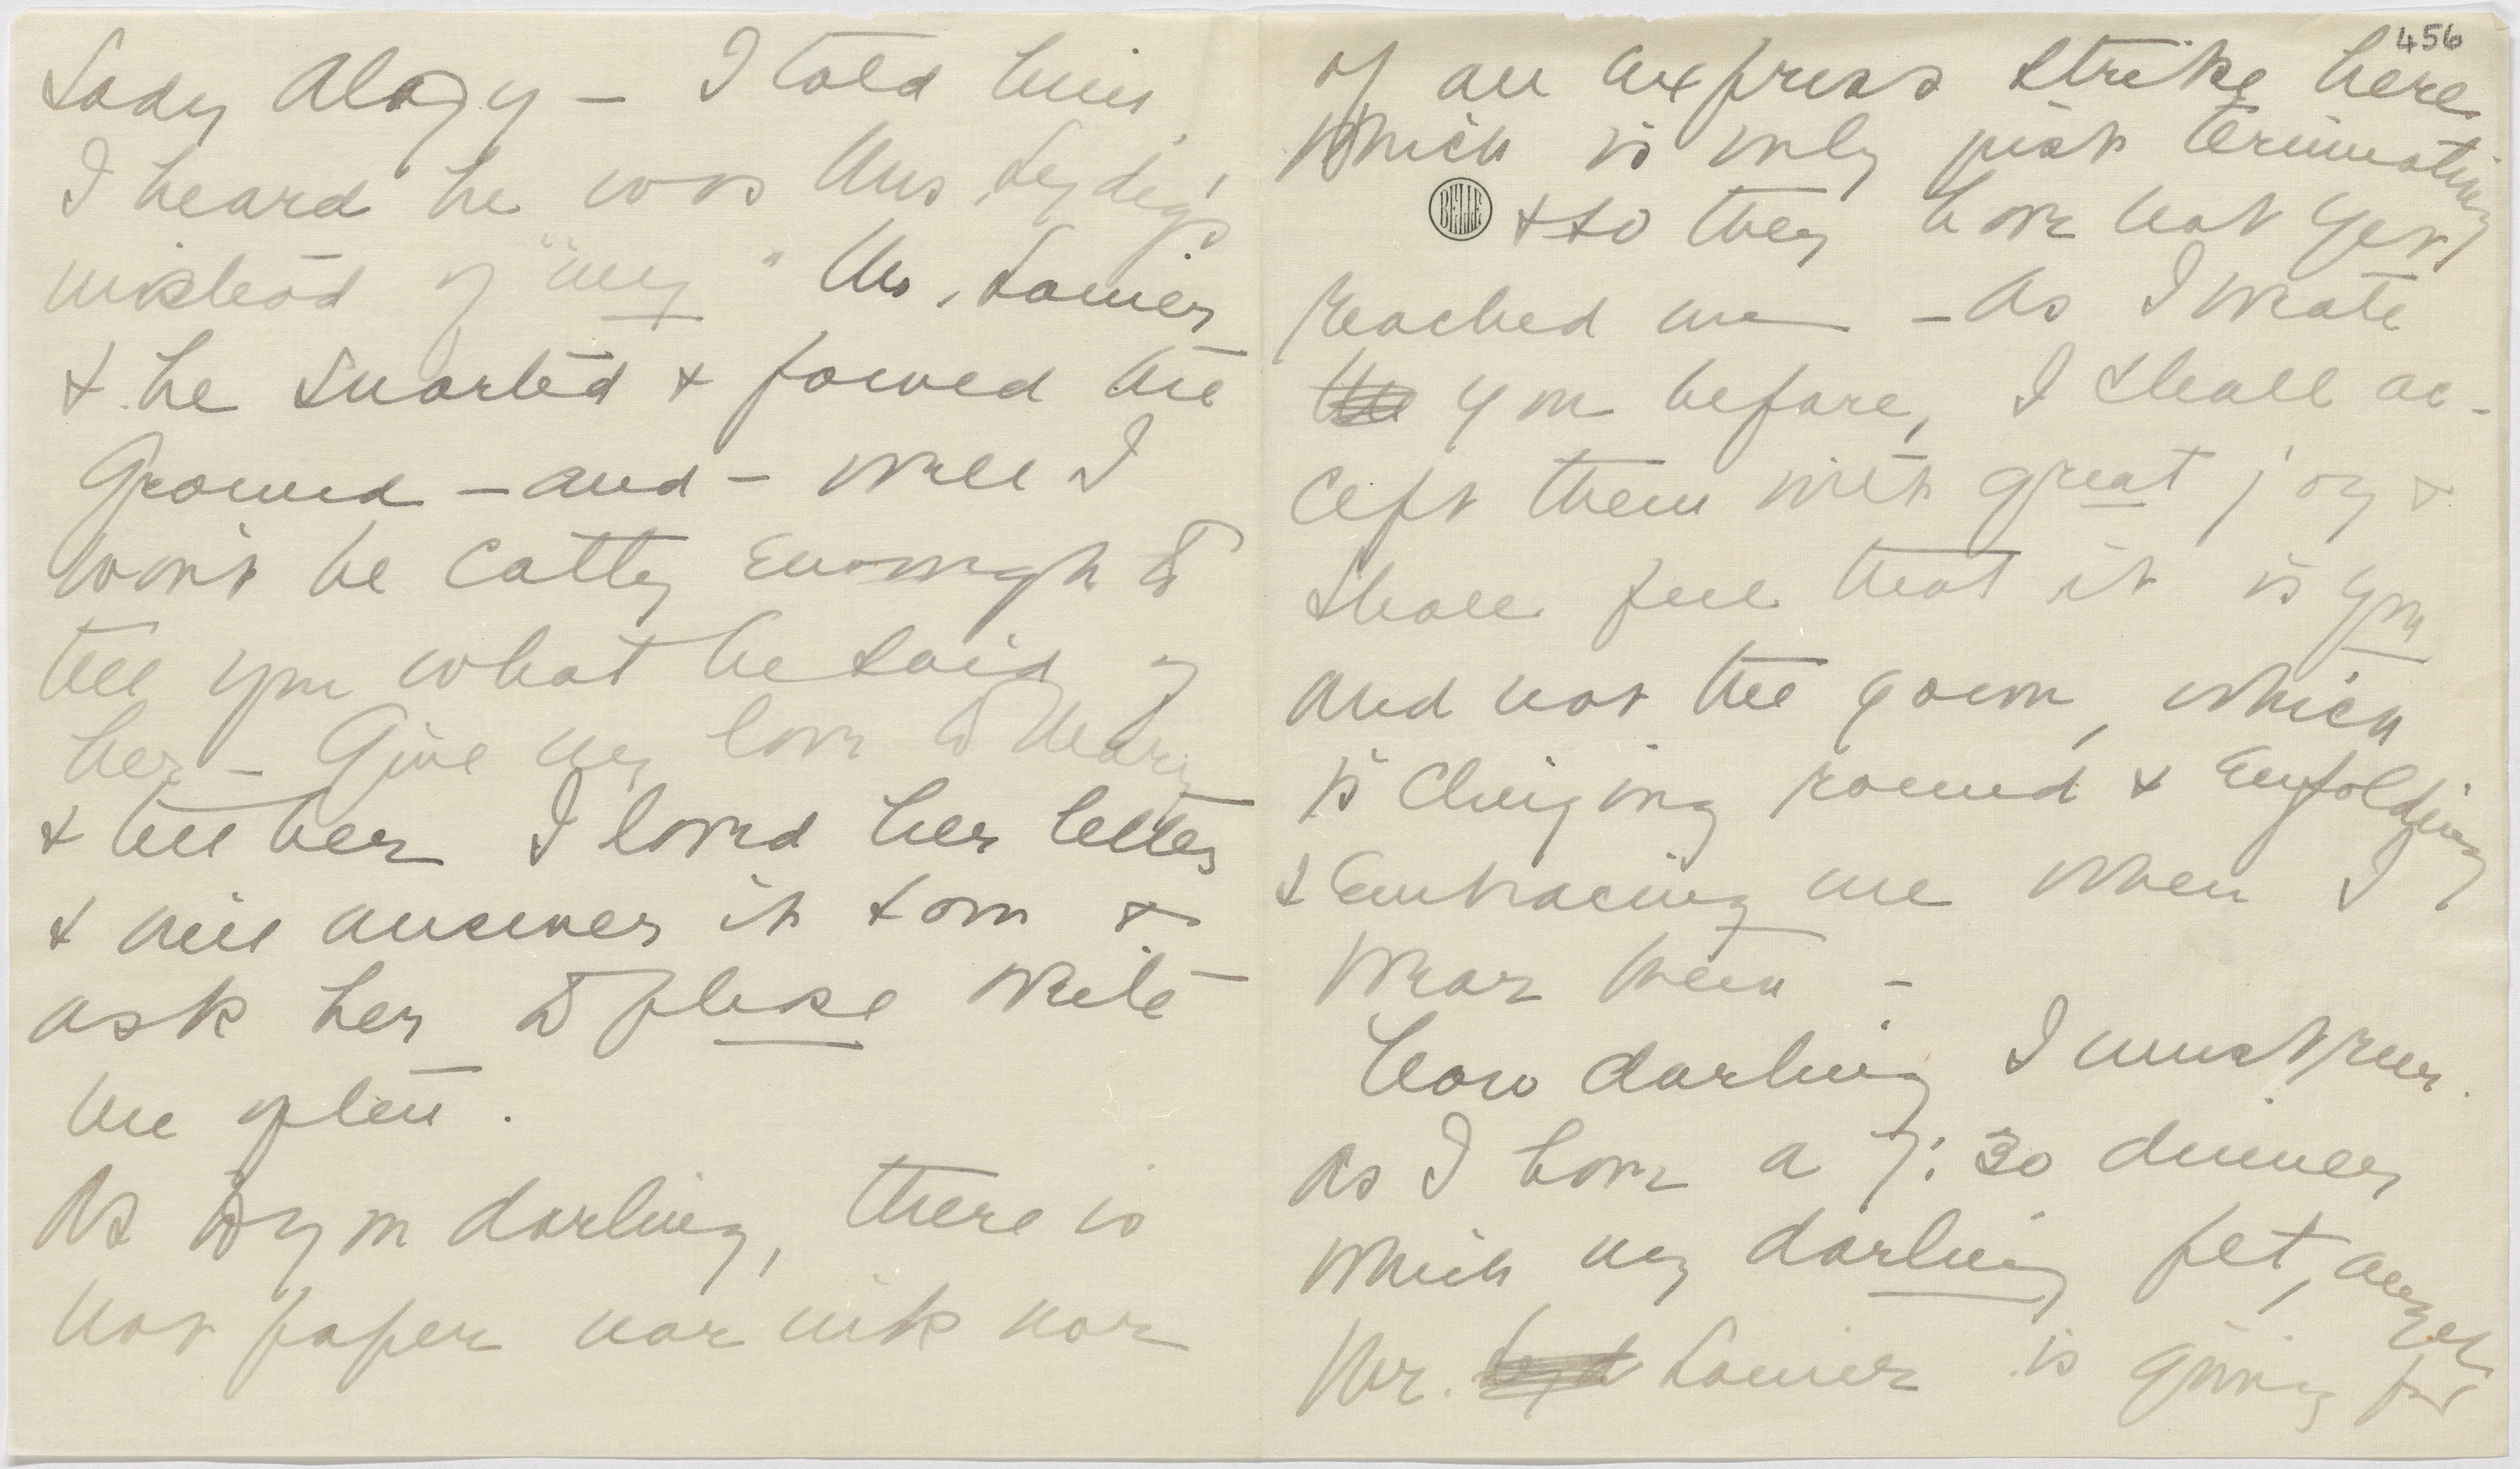of an express strike here which is only just terminating & so they have not yet reached me – As I wrote the you before, I shall accept them with great joy & shall feel that it is you and not the gown, which is clinging round & enfolding & embracing me when I wear them –
Now darling I must run as I have a 7:30 dinner which my darling pet, angel Mr. Lanier is giving for
Lady Algy – I told him I heard he was Mrs. Lydig’s instead of “my” Mr. Lanier & he snorted & pawed the ground – and – well I won’t be catty enough to tell you what he said of her – Give my love to Mary & tell her I loved her letter & will answer it soon & ask her to please write me often.
As to you darling, there is not paper nor ink nor